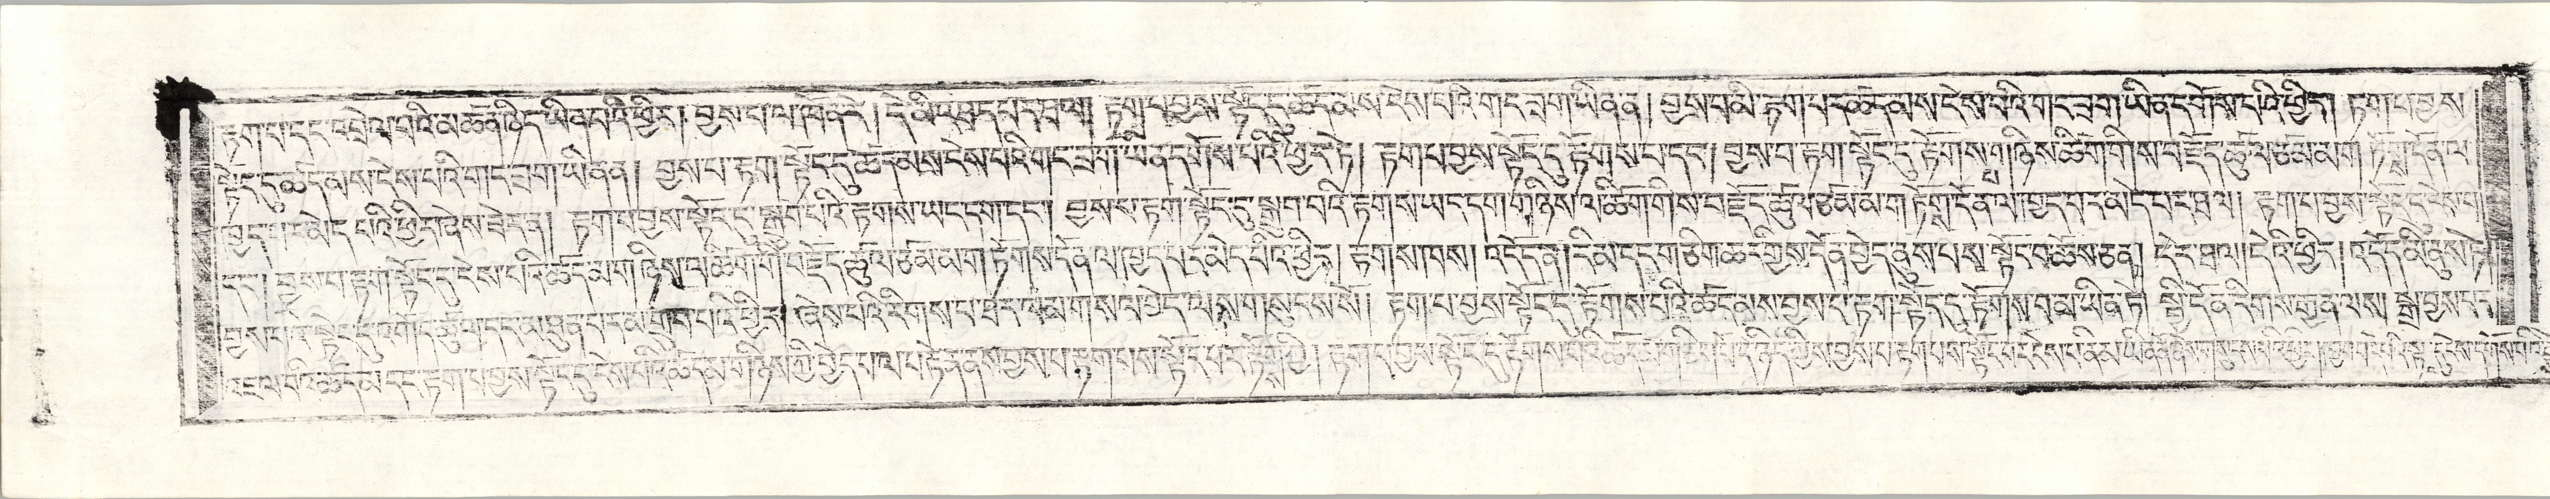རྟག་པ་དང་འབྲེལ་བའི་མཚན་ཉིད་ཡིན་པའི་ཕྱིར། བྱས་པ་ལ་ཁོ་ན་རེ། དེ་མི་འཐད་པར་ཐལ། རྟག་པ་བྱས་སྟོང་དུ་ཚད་མས་ངེས་པའི་གང་ཟག་ཡིན་ན། བྱས་པ་མི་རྟག་པར་ཚད་མས་ངེས་པའི་གང་ཟག་ཡིན་དགོས་པའི་ཕྱིར། རྟག་པ་བྱས་
སྟོང་དུ་ཚད་མས་ངེས་པའི་གང་ཟག་ཡིན་ན། བྱས་པ་རྟག་སྟོང་དུ་ཚད་མས་ངེས་པའི་གང་ཟག་ཡིན་དགོས་པའི་ཕྱིར་ཏེ། རྟག་པ་བྱས་སྟོང་དུ་རྟོགས་པ་དང་། བྱས་པ་རྟག་སྟོང་དུ་རྟོགས་པ་གཉིས་ཚིག་གིས་བརྗོད་ཚུལ་ཙམ་མ་གཏོགས་དོན་ལ་
ཁྱད་པར་མེད་པའི་ཕྱིར་ཞེས་ཟེར་ན། །རྟག་པ་བྱས་སྟོང་དུ་སྒྲུབ་པའི་རྟགས་ཡང་དག་དང་། བྱས་པ་རྟག་སྟོང་དུ་སྒྲུབ་པའི་རྟགས་ཡང་དག་གཉིས་ལ་ཚིག་གིས་བརྗོད་ཚུལ་ཙམ་མ་གཏོགས་དོན་ལ་ཁྱད་པར་མེད་པར་ཐལ། རྟག་པ་བྱས་སྟོང་དུ་ངེས་པ་
དང་། བྱས་པ་རྟག་སྟོང་དུ་ངེས་པའི་ཚད་མ་གཉིས་ལ་ཚིག་གི་བརྗོད་ཚུལ་ཙམ་མ་གཏོགས་དོན་ལ་ཁྱད་པར་མེད་པའི་ཕྱིར། རྟགས་ཁས། འདོད་ན། རིམ་དང་ཅིག་ཆར་གྱིས་དོན་བྱེད་ནུས་པས་སྟོང་བ་ཆོས་ཅན། དེར་ཐལ། དེའི་ཕྱིར། འདོད་མི་ནུས་ཏེ།
བྱས་པའི་སྟེང་དུ་འགོད་ཚུལ་དང་མཐུན་པར་མ་གྲུབ་པའི་ཕྱིར། ཞེས་པའི་རིགས་པ་ཐར་ལམ་གསལ་བྱེད་ལས་གསུངས་སོ། རྟག་པ་བྱས་སྟོང་དུ་རྟོགས་པའི་ཚད་མས་བྱས་པ་རྟག་སྟོང་དུ་རྟོགས་པ་མ་ཡིན་ཏེ། སྤྱི་དོན་རིགས་རྒྱན་ལས། སྒྲ་བྱས་པར་
འཇལ་བའི་ཚད་མ་དང་རྟག་པ་བྱས་སྟོང་དུ་ངེས་པའི་ཚད་མ་གཉིས་ཀྱི་བྱེད་པ་ལ་བརྟེན་ནས་བྱས་པ་རྟག་པས་སྟོང་པར་རྟོགས་ཀྱི། རྟག་པ་བྱས་སྟོང་དུ་རྟོགས་པའི་ཚད་མ་གཅིག་པོ་དེ་ཉིད་ཀྱིས་བྱས་པ་རྟག་པས་སྟོང་བར་ངེས་པ་ནི་མ་ཡིན་ནོ་ཞེས་གསུངས་པའི་ཕྱིར། ཁྱབྤ་དཔེའི་སྟེང་དུ་ངེས་དགོས་པའི་རྒྱུ་